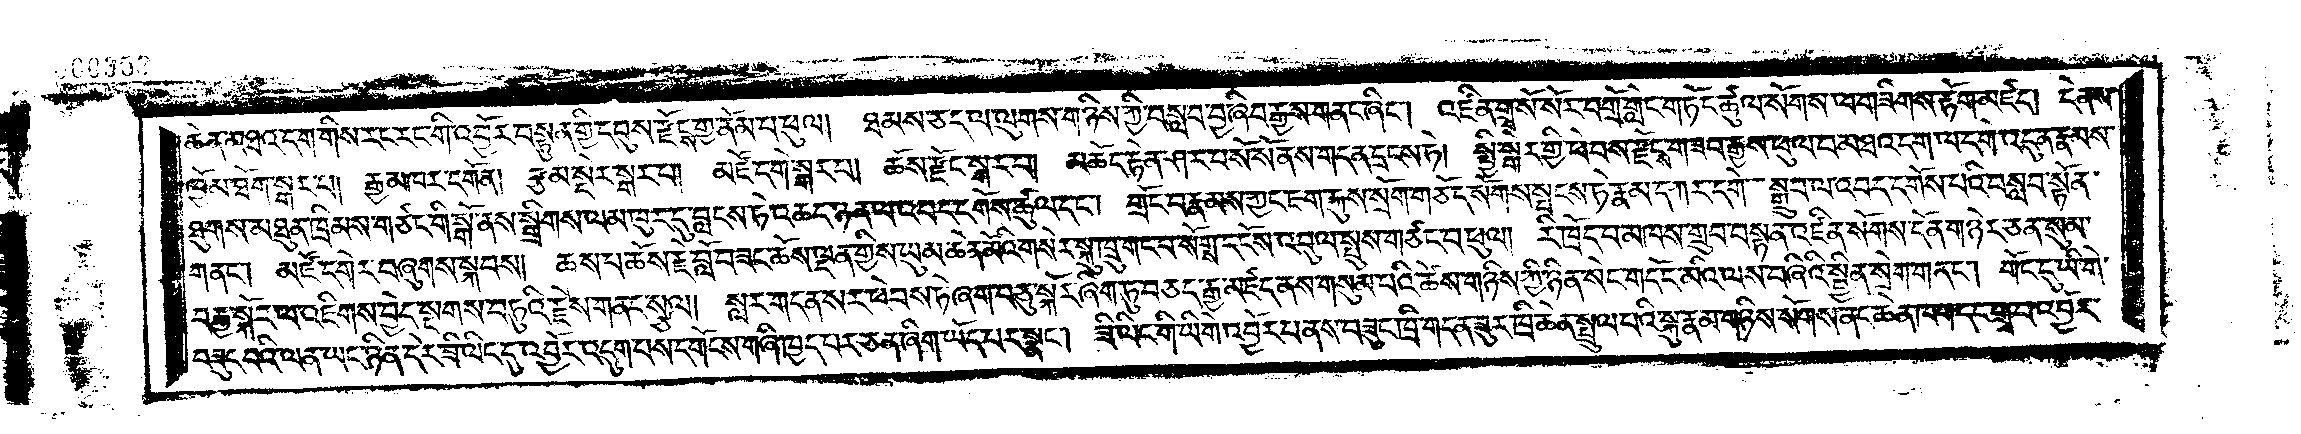ཆེན་མཐའ་དག་གིས་རང་རང་གི་འབྱོར་བསྟུན་གྱི་དབུས་རྫོངས་གྱ་ནོམ་པ་ཕུལ། ཐམས་ཅད་ལ་ལུགས་གཉིས་ཀྱི་བསླབ་བྱ་ཞིབ་རྒྱས་གནང་ཞིང་། འཛིན་གྲྭ་སོ་སོར་བགྲོ་གླེང་གཏོང་ཚུལ་སོགས་ལ་གཟིགས་རྟོག་མཛད། དེ་ནས་
ཁྱོམ་ཐོག་སྒར་པ། རྒྱ་མཁར་དགོན། རྩམ་སྡེར་སྒར་པ། མཛོ་དགེ་སྒར་བ། ཆོས་རྫོང་སྒར་པ། མཆོད་རྟེན་ཤར་བ་སོ་སོ་ནས་གདན་དྲངས་ཏེ། སྤྱི་སྒེར་གྱི་ཕེབས་རྫོངས་གཟབ་རྒྱས་ཕུལ་བ་མཐའ་དག་ལ་དགེ་འདུན་རྣམས་
ཐུགས་མཐུན་ཁྲིམས་གཙང་གི་སྒོ་ནས་སྒྲིགས་ལམ་ཁུར་དུ་བླངས་ཏེ་འཆད་ཉན་ལ་འབད་དགོས་ཚུལ་དང་། གྲོང་བ་རྣམས་ཀྱང་ཇག་རྐུས་སྲོག་གཅོད་སོགས་སྤངས་ཏེ་རྣམ་དཀར་དགེ་སྒྲུབ་ལ་འབད་དགོས་པའི་བསླབ་སྟོན་
གནང་། མཛོ་དགེར་བཞུགས་སྐབས། ཆས་པ་ཆོས་རྗེ་བློ་བཟང་ཆོས་ལྡན་གྱིས་ཡུམ་ཆེན་མོའི་གསེར་སྐུ་ཁྲུ་གང་བ་སོགས་དངོས་འབུལ་སྤུས་གཙང་བ་ཕུལ། རི་ཁྲོད་པ་མཁས་གྲུབ་བསྟན་འཛིན་སོགས་དོན་གཉེར་ཅན་སུམ་
བརྒྱ་སྐོར་ལ་འཇིགས་བྱེད་སྔགས་བཏུའི་རྗེས་གནང་སྩལ། སླར་གདན་སར་ཕེབས་ཏེ་ཞག་བཅུ་སྐོར་ཞིག་ཏུ་བཅད་རྒྱ་མཛད་ནས་གསུམ་པའི་ཚེས་གཉིས་ཀྱི་ཉིན་སེང་གདོང་མའི་ལས་བཞིའི་སྦྱིན་སྲེག་གནང་། གོང་དུ་ཡི་གེ་
བཟུང་བའི་ལན་ཡང་ཉིན་དེར་གི་ལིང་དུ་འབྱོར་འཇུག་པས་དགོངས་གཞི་ཁྱད་པར་ཅན་ཞིག་ཡོད་པར་སྣང་། ཟི་ལིང་གི་ཡི་གེ་འབྱོར་པ་ནས་བཟུང་ཁྲི་གདན་ཟུར་ཁྲི་ཆེན་སྤྲུལ་པའི་སྐུ་རྣམ་གཉིས་སོགས་ནང་ཆེན་ཁག་དང་གྲྭ་བ་འབྱོར་